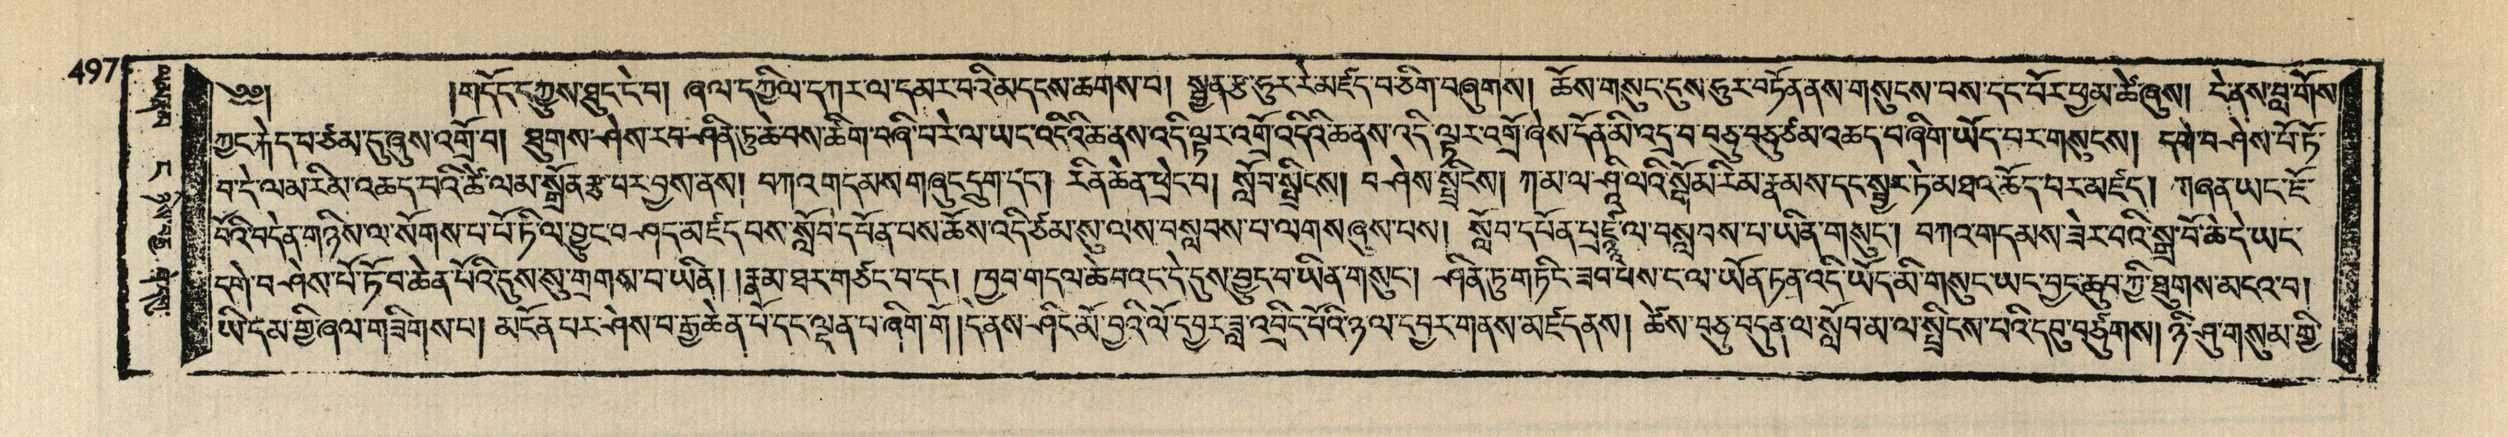༄༅། །གདོང་དཀྱུས་ཐུང་ངེ་བ། ཞལ་དཀྱིལ་དཀར་ལ་དམར་བའི་མདངས་ཆགས་པ། སྦྱན་རྩ་ཧུར་རེ་མཛད་བ་ཅིག་བཞུགས། ཆོས་གསུང་དུས་ཧུར་བཏོན་ནས་གསུངས་བས་དང་པོར་ཕྱམ་ཚེ་ཞུས། དེ་ནས་བླ་གོས་
ཀྱང་རྐེད་པ་ཙམ་དུ་ཞུས་འགྲོ་བ། ཐུགས་ཤེས་རབ་ཤིན་ཏུ་ཆེ་བས་ཚིག་བཞི་བ་རེ་ལ་ཡང་འདིའི་ཆ་ནས་འདི་ལྟར་འགྲོ་འདིའི་ཆ་ནས་འདི་ལྟར་འགྲོ་ཞེས་དོན་མི་འདྲ་བ་བཅུ་བཅུ་ཙམ་འཆད་བ་ཞིག་ཡོད་པར་གསུངས། དགེ་བཤེས་པོ་ཏོ་
བ་དེ་ལམ་རིམ་འཆད་པའི་ཚེ་ལམ་སྒྲོན་རྩ་བར་བྱས་ནས། བཀའ་གདམས་གཞུང་དྲུག་དང་། རིན་ཆེན་ཕྲེང་བ། སློབ་སྤྲིངས། བཤེས་སྤྲིངས། ཀ་མ་ལ་ཤཱི་ལའི་སྒོམ་རིམ་རྣམས་དང་སྦྱར་ཏེ་མཐའ་ཆོད་པར་མཛད། གཞན་ཡང་ཇོ་
བོའི་བདེན་གཉིས་ལ་སོགས་པ་པོ་ཏི་ལ་བྱུང་བཤད་མཛད་པས་སློབ་དཔོན་པས་ཆོས་འདི་ཙམ་སུ་ལས་བསླབས་པ་ལགས་ཞུས་པས། སློབ་དཔོན་པྲཛྙཱ་ལ་བསླབས་པ་ཡིན་གསུང་། བཀའ་གདམས་ཟེར་བའི་སྒྲ་བོ་ཆེ་དེ་ཡང་
དགེ་བཤེས་པོ་ཏོ་བ་ཆེན་པོའི་དུས་སུ་གྲགས་པ་ཡིན། །རྣམ་ཐར་གཙང་བ་དང་། ཁྱབ་གདལ་ཆེ་བའང་དེ་དུས་བྱུང་བ་ཡིན་གསུང་། ཤིན་ཏུ་གཏིང་ཟབ་པས་ང་ལ་ཡོན་ཏན་འདི་ཡོད་མི་གསུང་ཡང་བྱང་ཆུབ་ཀྱི་ཐུགས་མངའ་བ།
ཡི་དམ་གྱི་ཞལ་གཟིགས་པ། མངོན་པར་ཤེས་པ་རྒྱ་ཆེན་པོ་དང་ལྡན་པ་ཞིག་གོ །དེ་ནས་ཤིང་མོ་བྱའི་ལོ་དབྱར་ཟླ་འབྲིང་པོའི་ཉལ་དབྱར་གནས་མཛད་ནས། ཚེས་བཅུ་བདུན་ལ་སློབ་མ་ལ་སྤྲིངས་པའི་དབུ་བཙུགས། ཉི་ཤུ་གསུམ་གྱི་